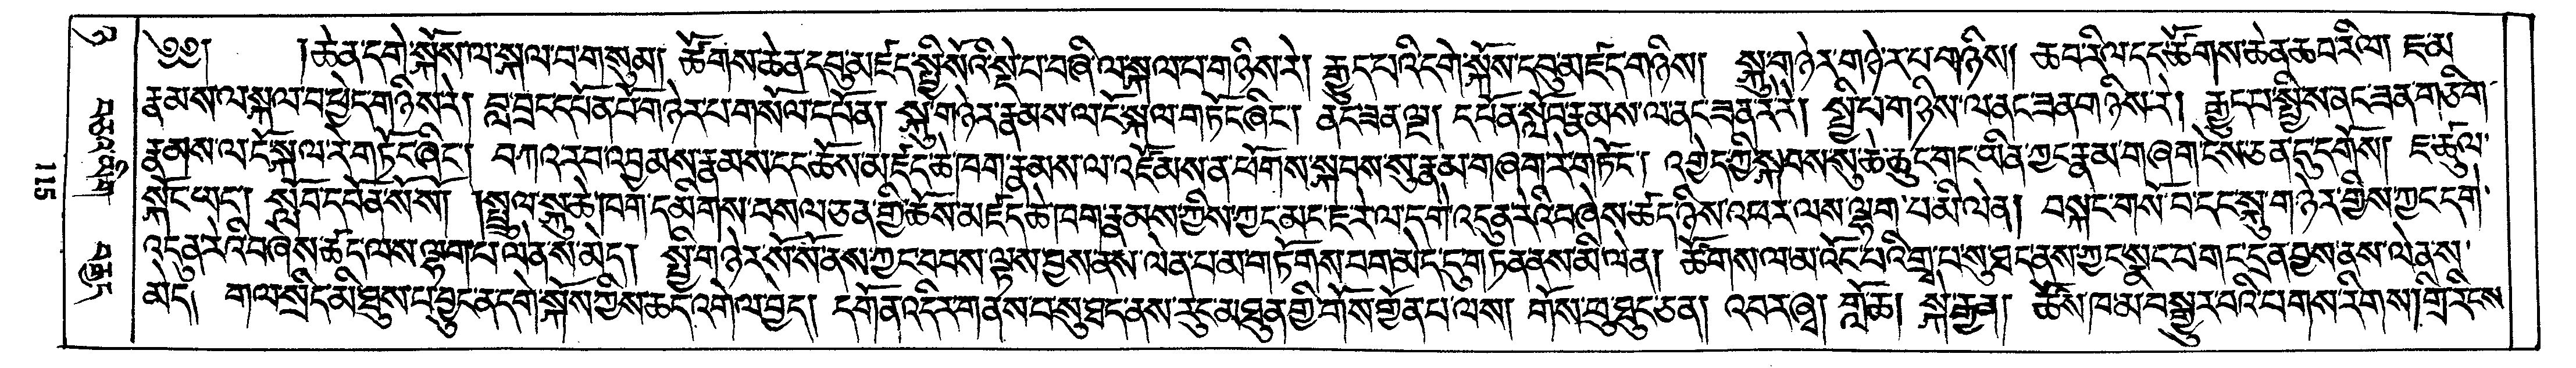༄༅། །ཆེན་དགེ་སྐོས་ལ་སྐལ་བ་གསུམ། ཚོགས་ཆེན་དབུ་མཛད་སྤྱི་སོའི་སྡེ་པ་བཞི་ལ་སྐལ་བ་གཉིས་རེ། རྒྱུད་པའི་དགེ་སྐོས་དབུ་མཛད་གཉིས། སྐུ་གཉེར་གཉེར་པ་གཉིས། ཆབ་རིལ་དང་ཚོགས་ཆེན་ཆབ་རིལ། ཇ་མ་
རྣམས་ལ་སྐལ་བ་ཕྱེད་གཉིས་རེ། བླ་བྲང་དབོན་པོ་གཉེར་བ་གསོལ་དཔོན། སྐུ་གཉེར་རྣམས་ལ་ངོ་སྐལ་གཏོང་ཞིང་། ནང་ཟན་ལྔ། དཔོན་སློབ་རྣམས་ལ་ནང་ཟན་རེ་རེ། སྤྱི་བ་གཉིས་ལ་ནང་ཟན་གཉིས་རེ། རྒྱུད་པ་སྤྱི་ས་ནང་ཟན་གཅིག་
རྣམས་ལ་ངོ་སྐལ་རེ་གཏོང་ཞིང་། བཀའ་རབ་འབྱམས་རྣམས་དང་ཆོས་མཛད་ཆེ་ཁག་རྣམས་ལ་འཛོམས་ན་ཕོགས་སྐབས་སུ་རྣམ་གཞག་རེ་གཏོང་། འགྱེད་ཀྱི་སྐབས་སུ་ཆེ་ཆུང་གང་ཡིན་ཀྱང་རྣམ་གཞག་ངེས་ཅན་དུ་དགོས། ཇ་ཚུལ་
སྐོར་ཡང་། སློབ་དཔོན་སོ་སོ། །སྤྲུལ་སྐུ་ཆེ་ཁག་དམིགས་བསལ་ཅན་གྱི་ཆོས་མཛད་ཆེ་ཁག་རྣམས་ཀྱིས་ཀྱང་མང་ཇ་རེ་ལ་དགེ་འདུན་རེའི་བཞེས་ཚད་ཉིས་འཕར་ལས་ལྷག་པ་མི་ལེན། བསྐང་གསོ་བ་དང་སྐུ་གཉེར་གྱིས་ཀྱང་དགེ་
འདུན་རེའི་བཞེས་ཚད་ལས་ལྷག་པ་ལེན་ས་མེད། སྤྱི་གཉེར་སོ་སོ་ནས་ཀྱང་བབས་ལྟས་བྱས་ནས་ལེན་པ་མ་གཏོགས་བག་མེད་དུ་གཏན་ནས་མི་ལེན། ཚོགས་ལ་མ་འོང་བའི་གྲྭ་པ་སུ་ཐད་ནས་ཀྱང་སྣང་བ་གང་དྲན་བྱས་ནས་ལེན་ས་
མེད༑ གལ་སྲིད་མི་ཐུས་པ་བྱུང་ན་དགེ་སྒོས་ཀྱིས་ཆད་འགེལ་བྱེད། དགོན་འདིར་གནས་པ་སུ་ཐད་ནས་རུང་མཐུན་གྱི་གོས་གྱོན་པ་ལས། གོས་ཕུ་ཐུང་ཅན། འབེར་ཞྭ། གློ་ཆ། སྐེ་རྒྱན། ཚོས་ཁ་མ་བསྒྱུར་བའི་པགས་རིགས། གྲི་རིངས་